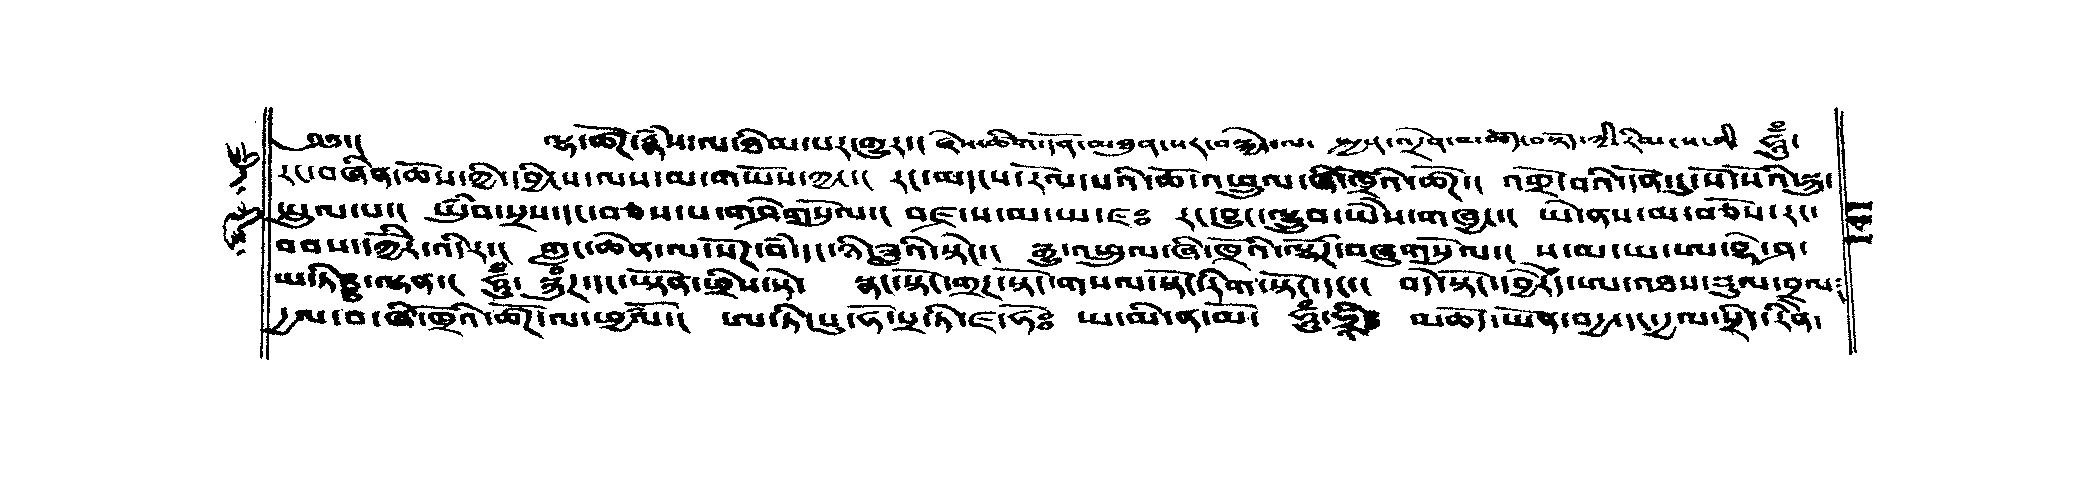ལྷ་ཚོགས་རྣམས་ལ་ཐིམ་པར་འགྱུར། ཞེས་ཚིག་དོན་མཐུན་པར་བསྐྱེད་ལ། སྤྱན་འདྲེན་མཆོད་བསྟོད་ཀྱི་རིམ་པ་ནི། ཧཱུྃ། 
རང་བཞིན་ཆོས་ཀྱི་དབྱིངས་ལས་མ་གཡོས་ཀྱང་། །རང་མདངས་རིག་པའི་ཆོ་འཕྲུལ་ཞི་ཁྲོའི་ཚོགས། །འགྲོ་བའི་དོན་དུ་སོ་སོའི་སྐུ་
སྤྲུལ་པ། །ཡབ་ཡུམ་སྲས་དང་བཅས་པ་གཤེགས་སུ་གསོལ། །བཛྲ་ས་མ་ཡ་ཛཿ རང་བྱུང་ལྷུན་གྲུབ་ཡེ་ཤེས་གཞལ་ཡས་ཁང་། །ཡེ་ནས་མ་བཅོས་རང་
བབས་དཀྱིལ་འཁོར་འདིར། །གླང་ཆེན་ལ་སོགས་བཾ་དང་ཉི་ཟླའི་སྟེང་། །སྒྱུ་འཕྲུལ་ཞི་ཁྲོའི་ལྷ་ཚོགས་བཞུགསསུ་གསོལ། །ས་མ་ཡ་ཨ་བེ་ཤ་
ཡ་ཏིཥྠ་ལྷན། ཧཱུྂ། སྐུ་གསུང་ཐུགས་དང་ཡོན་ཏན་ཕྲིན་ལས་སྟེ། །སྣང་སྟོང་གྲགས་སྟོང་གསལ་སྟོང་རིག་སྟོང་དང་། །བདེ་སྟོང་དབྱེར་མེད་ཨ་འཐས་སྡུག་བསྔལ་བྲལ། །
རྒྱལ་བ་ཞི་ཁྲོའི་ཚོགས་ལ་ཕྱག་འཚལ་ལོ། །ཨ་ཏི་པུ་ཧོ་པྲ་ཏི་ཛ་ཧོ།ཡ་ནི་ན་མོ། ཧཱུྃ་ཧྲཱིཿ མཆོད་ཡོན་བརྒྱ་དང་རྒྱལ་སྲིད་རིན་ཆེན་